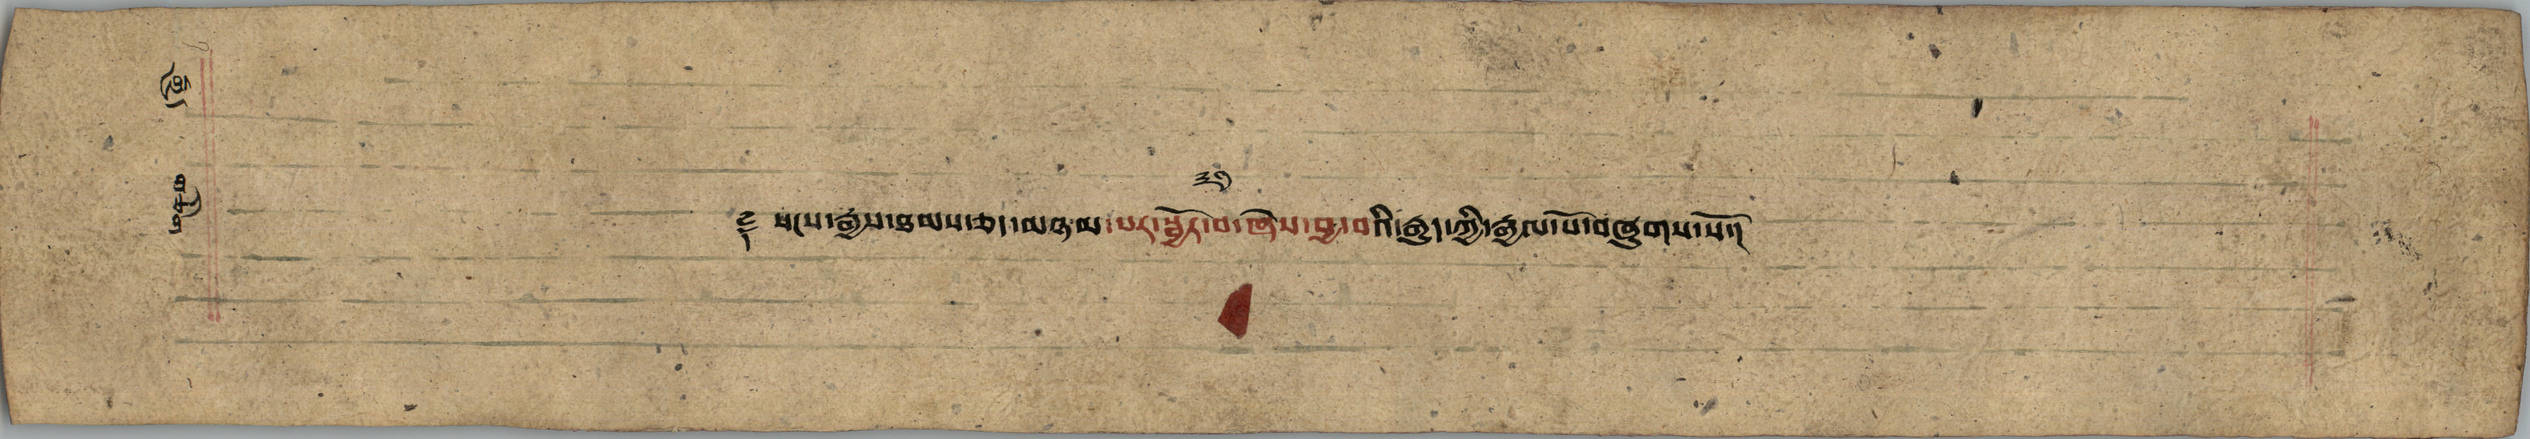࿑ སངས་རྒྱས་ཐམས་ཅད་མཉམ་པར་སྦྱོར་བ་ཞེས་བྱ་བའི་རྒྱུད་ཀྱི་རྒྱལ་པོ་བཞུགས་སོ་།